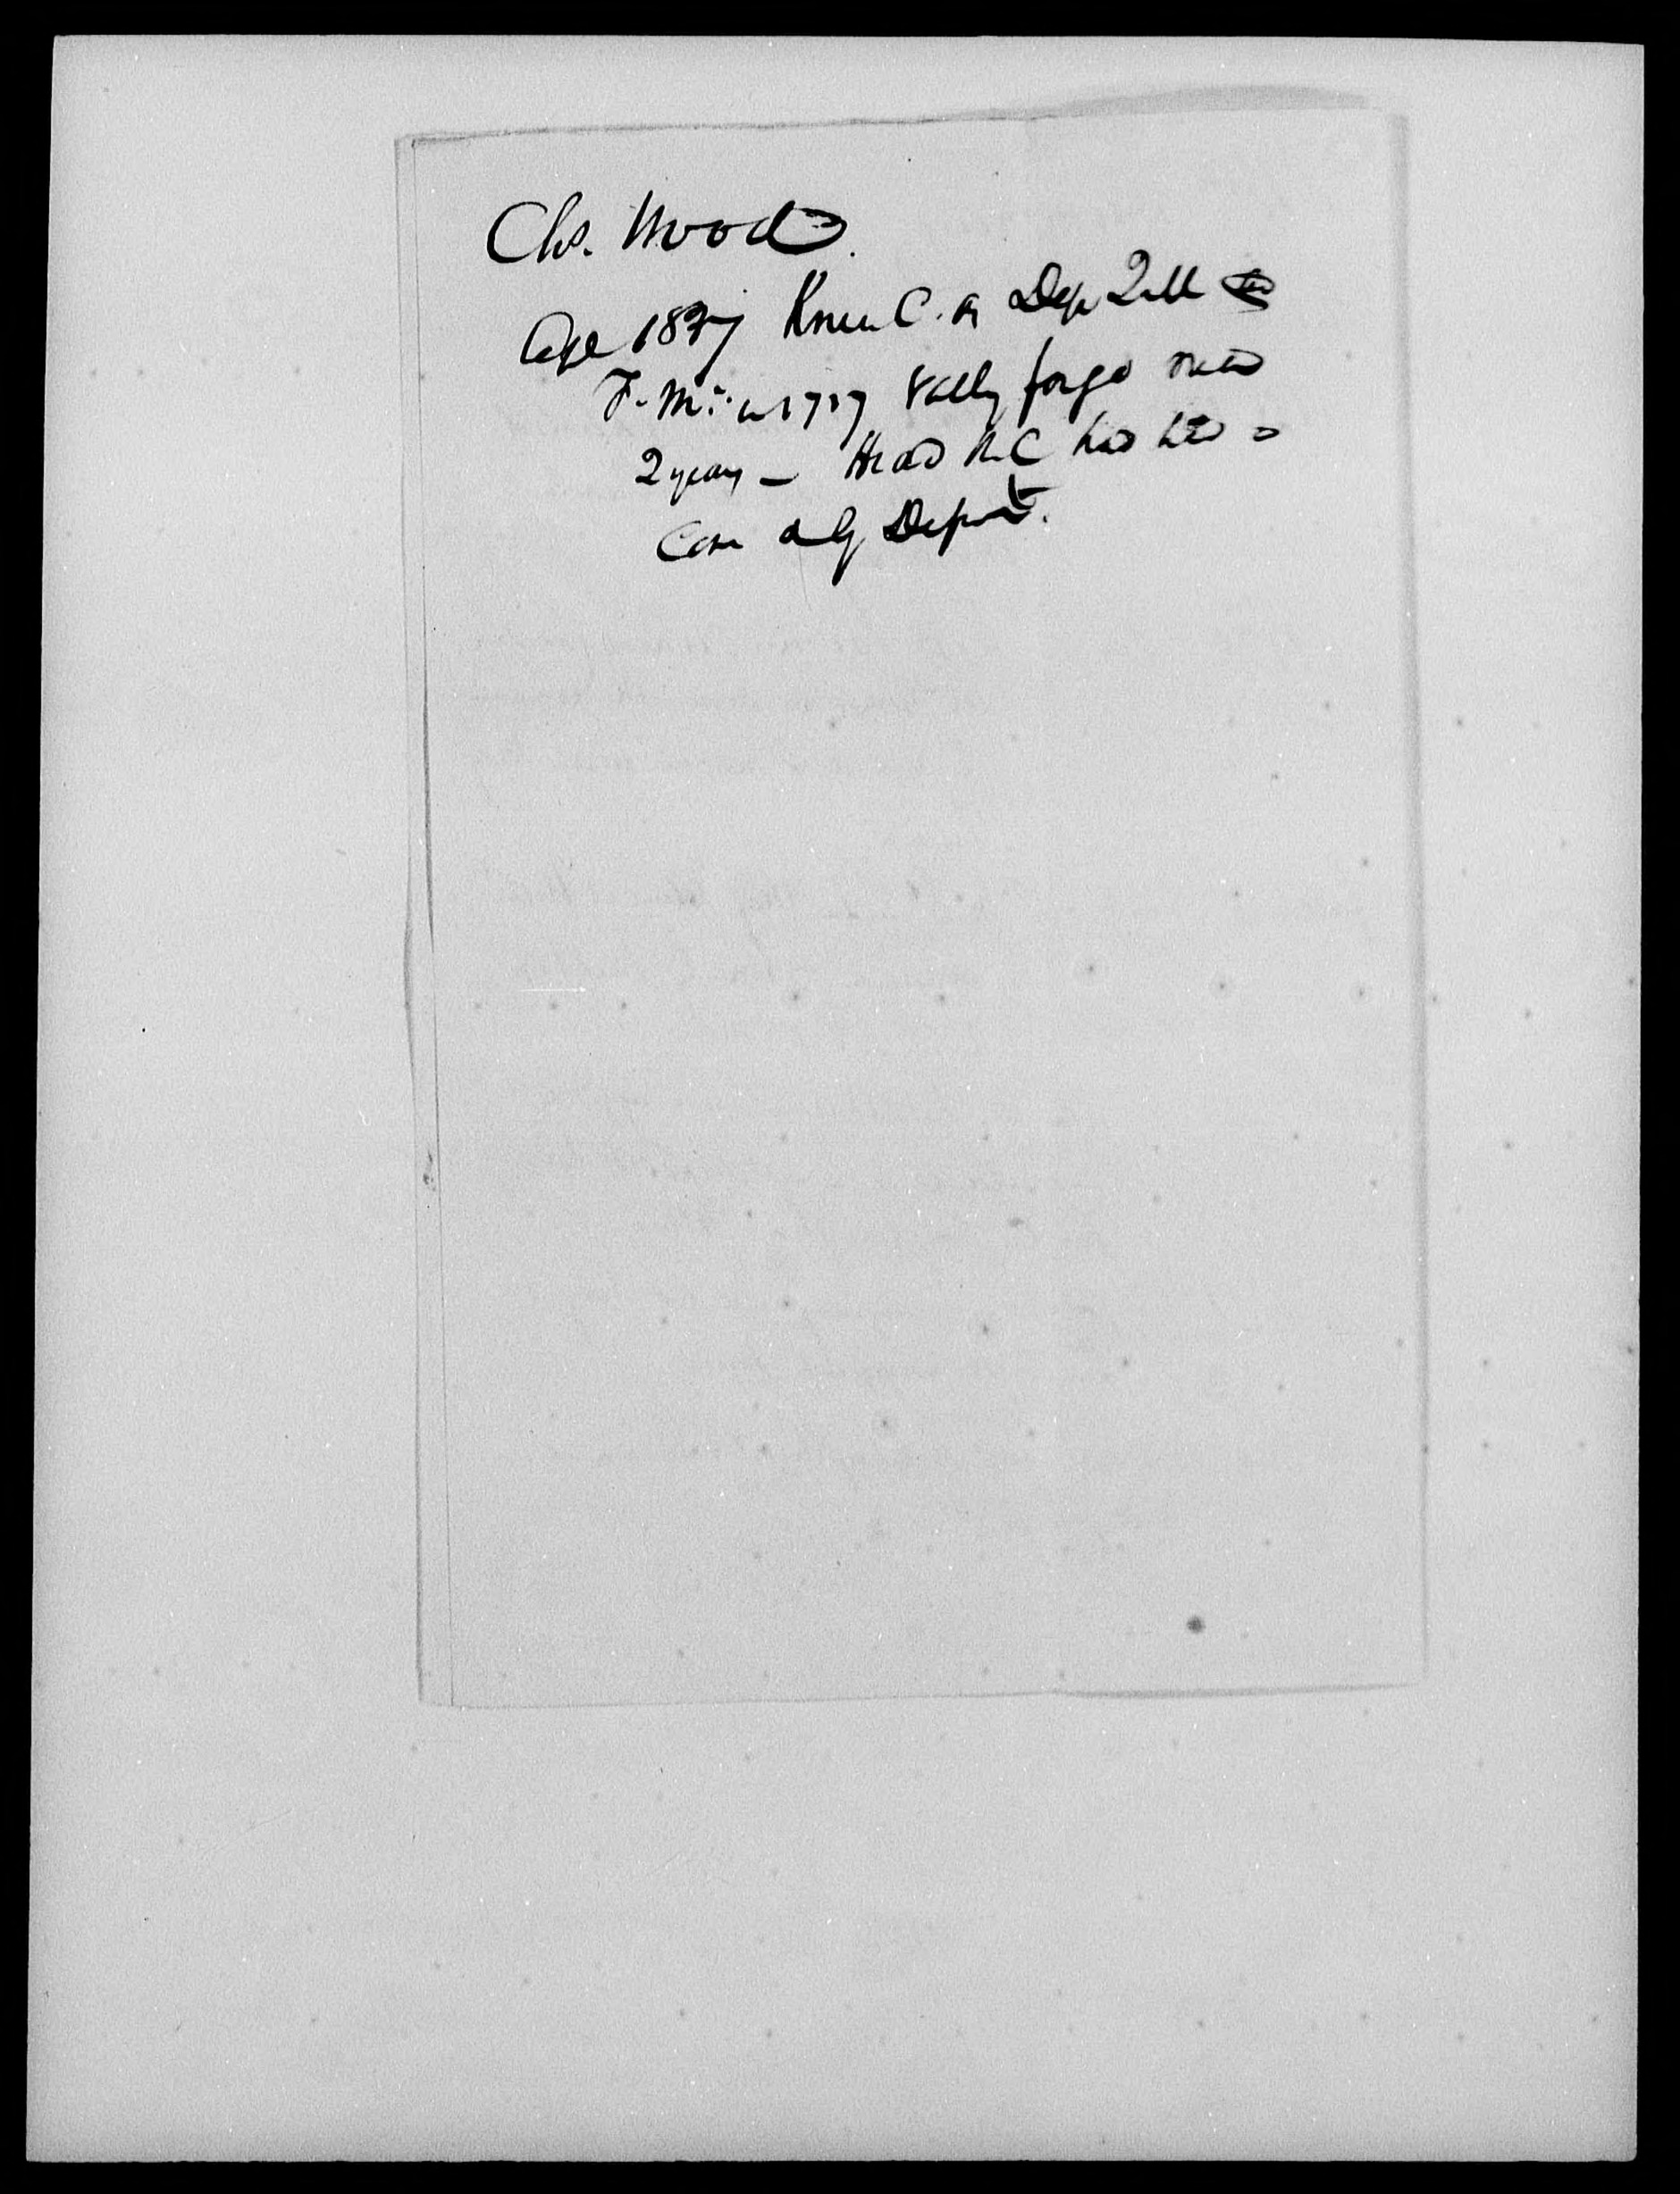[Handwritten record, which is the third and final page of a 3-page partial recap of William Cumming's service.]

Chs. [Charles] Wood [or Woods]

[?] Apl [? April] 18 77 [possibly meaning April 18, 1777] Knew C. [Cumming] as Dept QM [Deputy Quarter Master] [illegible] F. M. in [?] 1777 Valley forge [illegible] 2 years _ Head [? possibly meaning Heard] [illegible] C [possibly Cumming] had [or was] Lt [possibly Lieutenant] [illegible symbol possibly meaning and] Com [possibly Command or Commander] [illegible phrase.]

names: Chs Wood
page: 95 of 145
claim: survivor's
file: S. 8265, William Cumming, N.C.